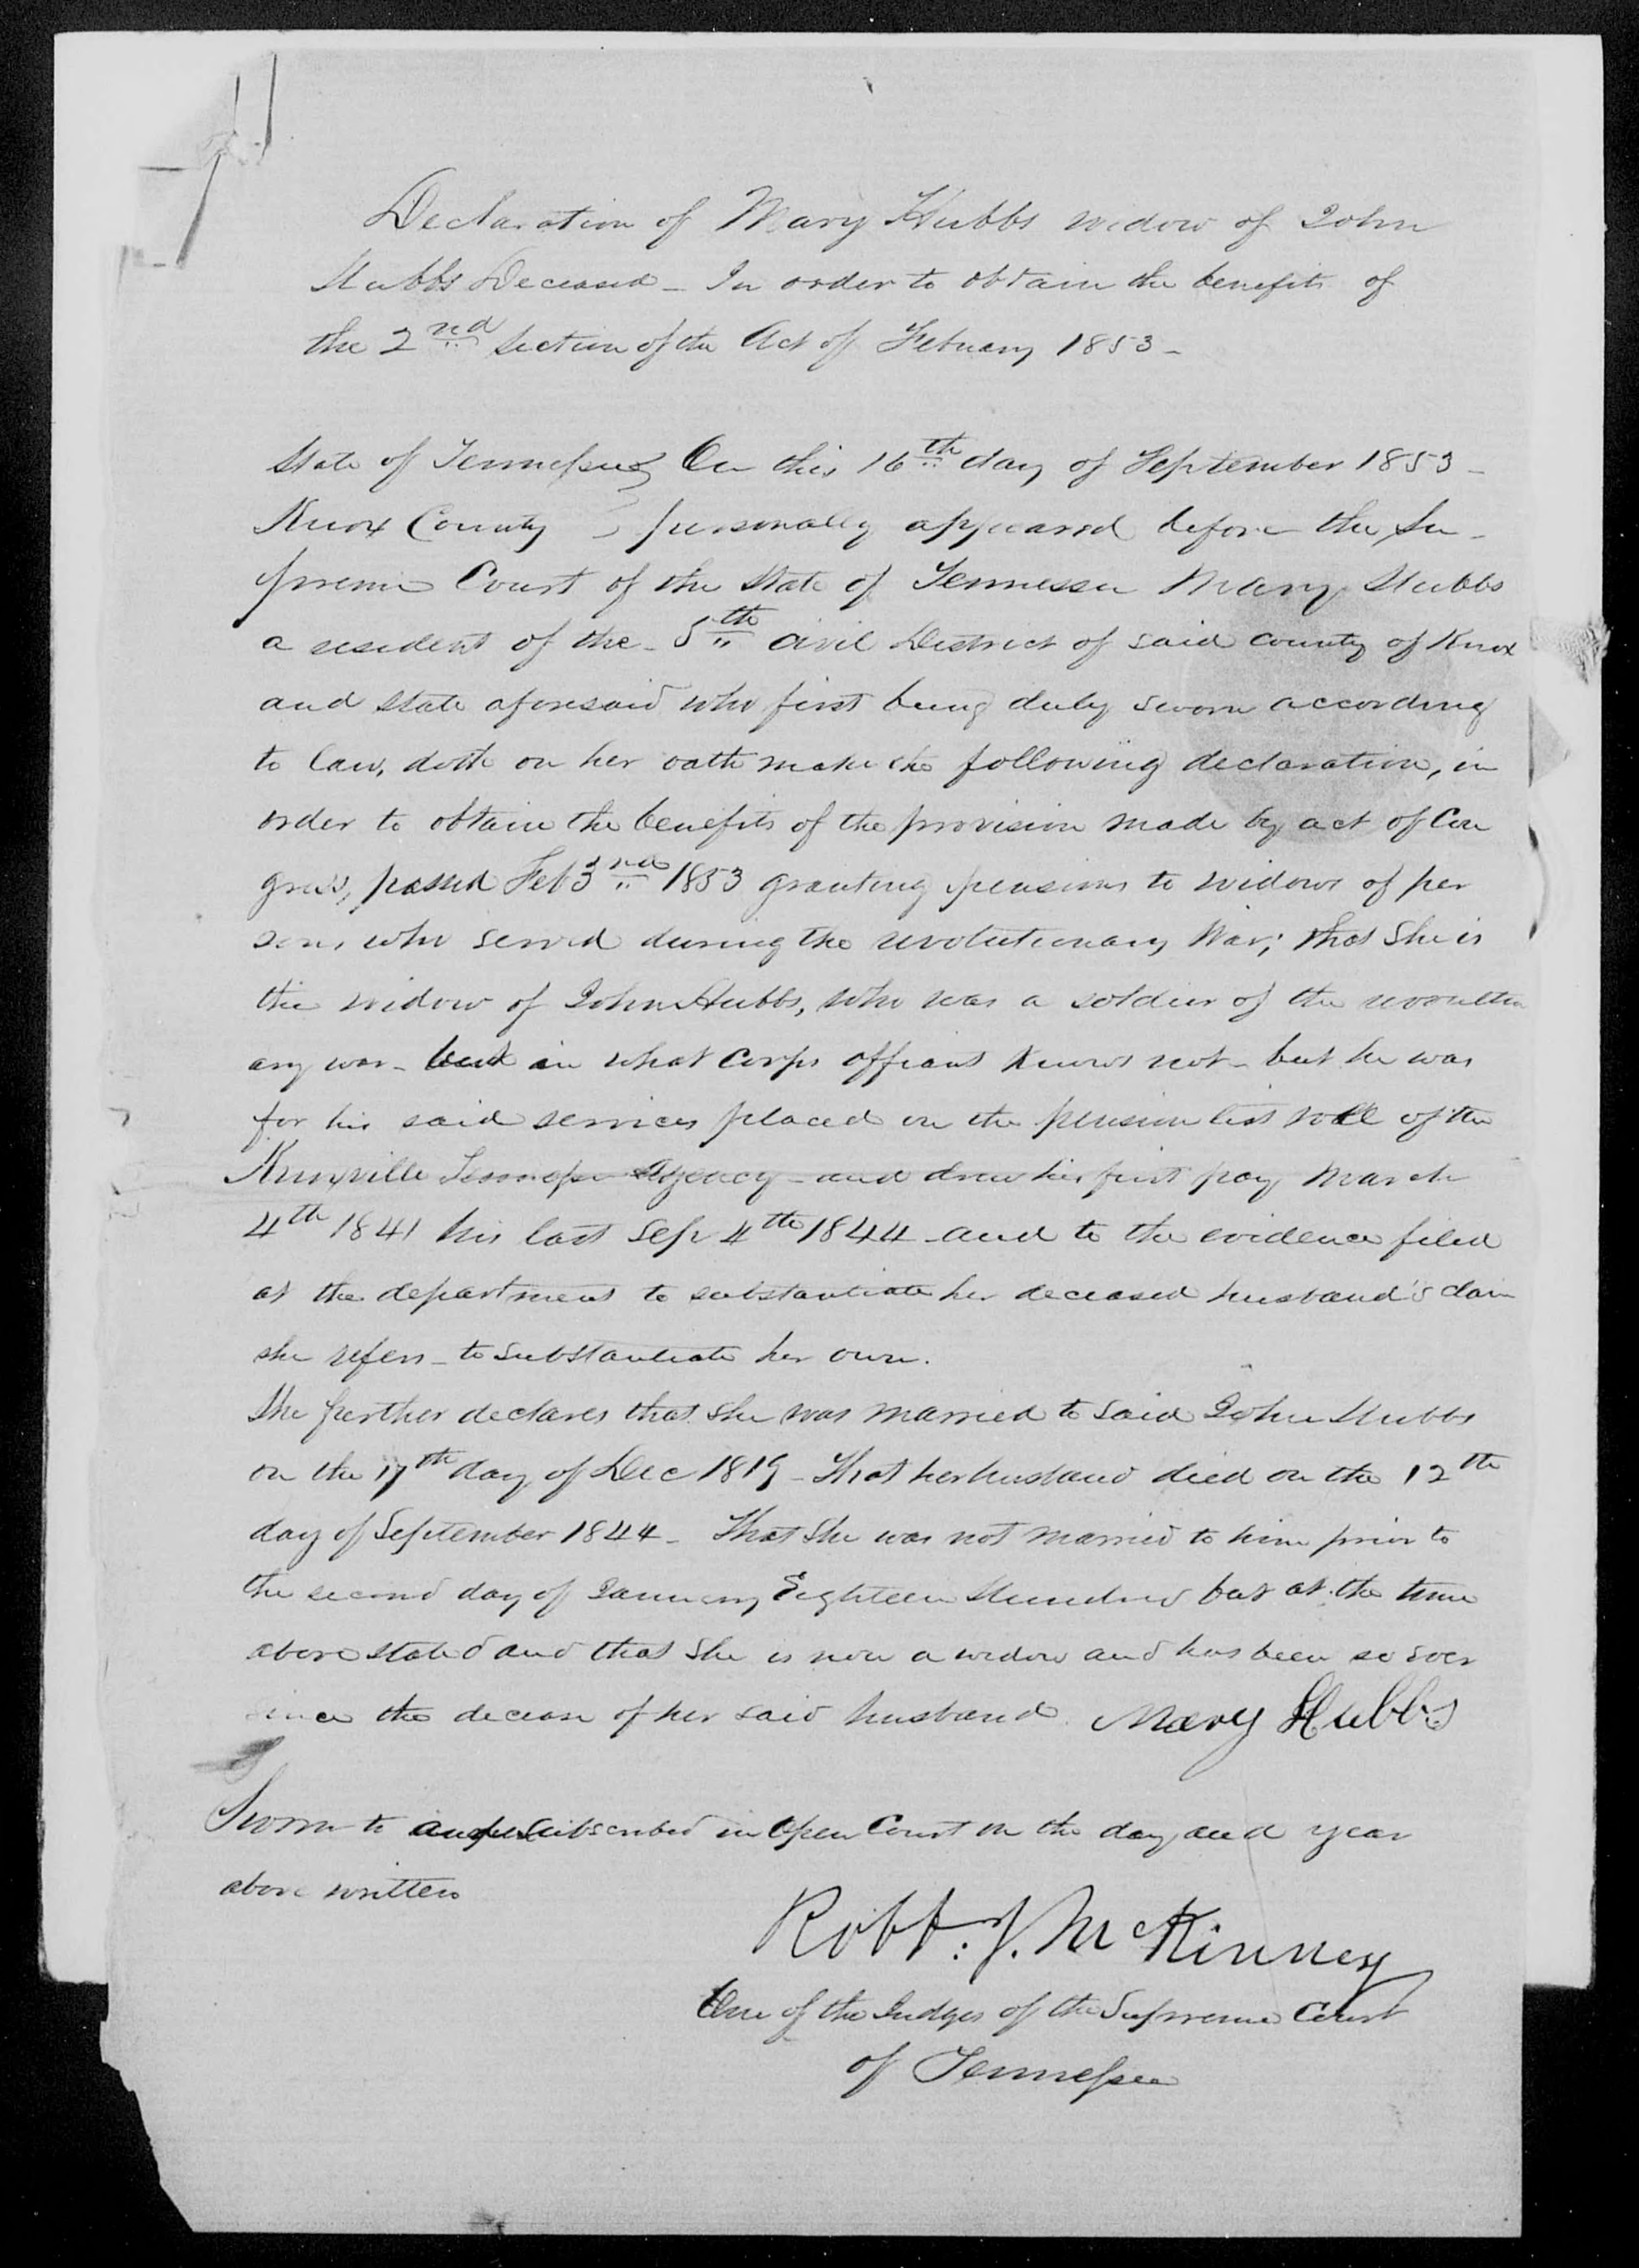Declaration of Mary Hubbs widow of John
Hubbs Deceased - In order to obtain the benefits of the 2nd Section of the act of February 1853 -
State of Tennessee
Knox County

On this 16th day of September 1853 - personally appeared before the Supreme Court of the State of Tennessee Mary Hubbs a resident of the 5th civil District of said County of Knox and State aforesaid who first being duly sworn according to law, doth on her oath make the following declaration, in order to obtain the benefits of the provision made by act of Congress, passed Feb 3d 1853 granting pensions to widows of persons, who served during the revolutionary War; that she is the widow of John Hubbs, who was a soldier of the revolutionary war, but in what Corps affiant knows not - but he was for his said services placed on the pension roll of the
Knoxville Tennessee Agency and drew his first pay March 4th 1841 his last Sept 4th 1844 and to the evidence filed at the department to substantiate her deceased husband's claim
she refers, to substantiate her own.
She further declares that she was married to said John Hubbs on the 17th day of Dec 1819. That her husband died on the 12th day of September 1844. That she was not married to him prior to the second day of January Eighteen Hundred for at the time above stated and that she is now a widow and has been so ever since the decease of her said husband Mary Hubbs
Sworn to and subscribed in open Court on the day and year above written
Robt. J. McKinney
the of the Judges of the Supreme Court
of Tennessee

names: John Hubbs, Mary Hubbs, Robb J Mc Kinney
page: 19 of 86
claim: widow's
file: W. 1035, John Hubbs, S.C.